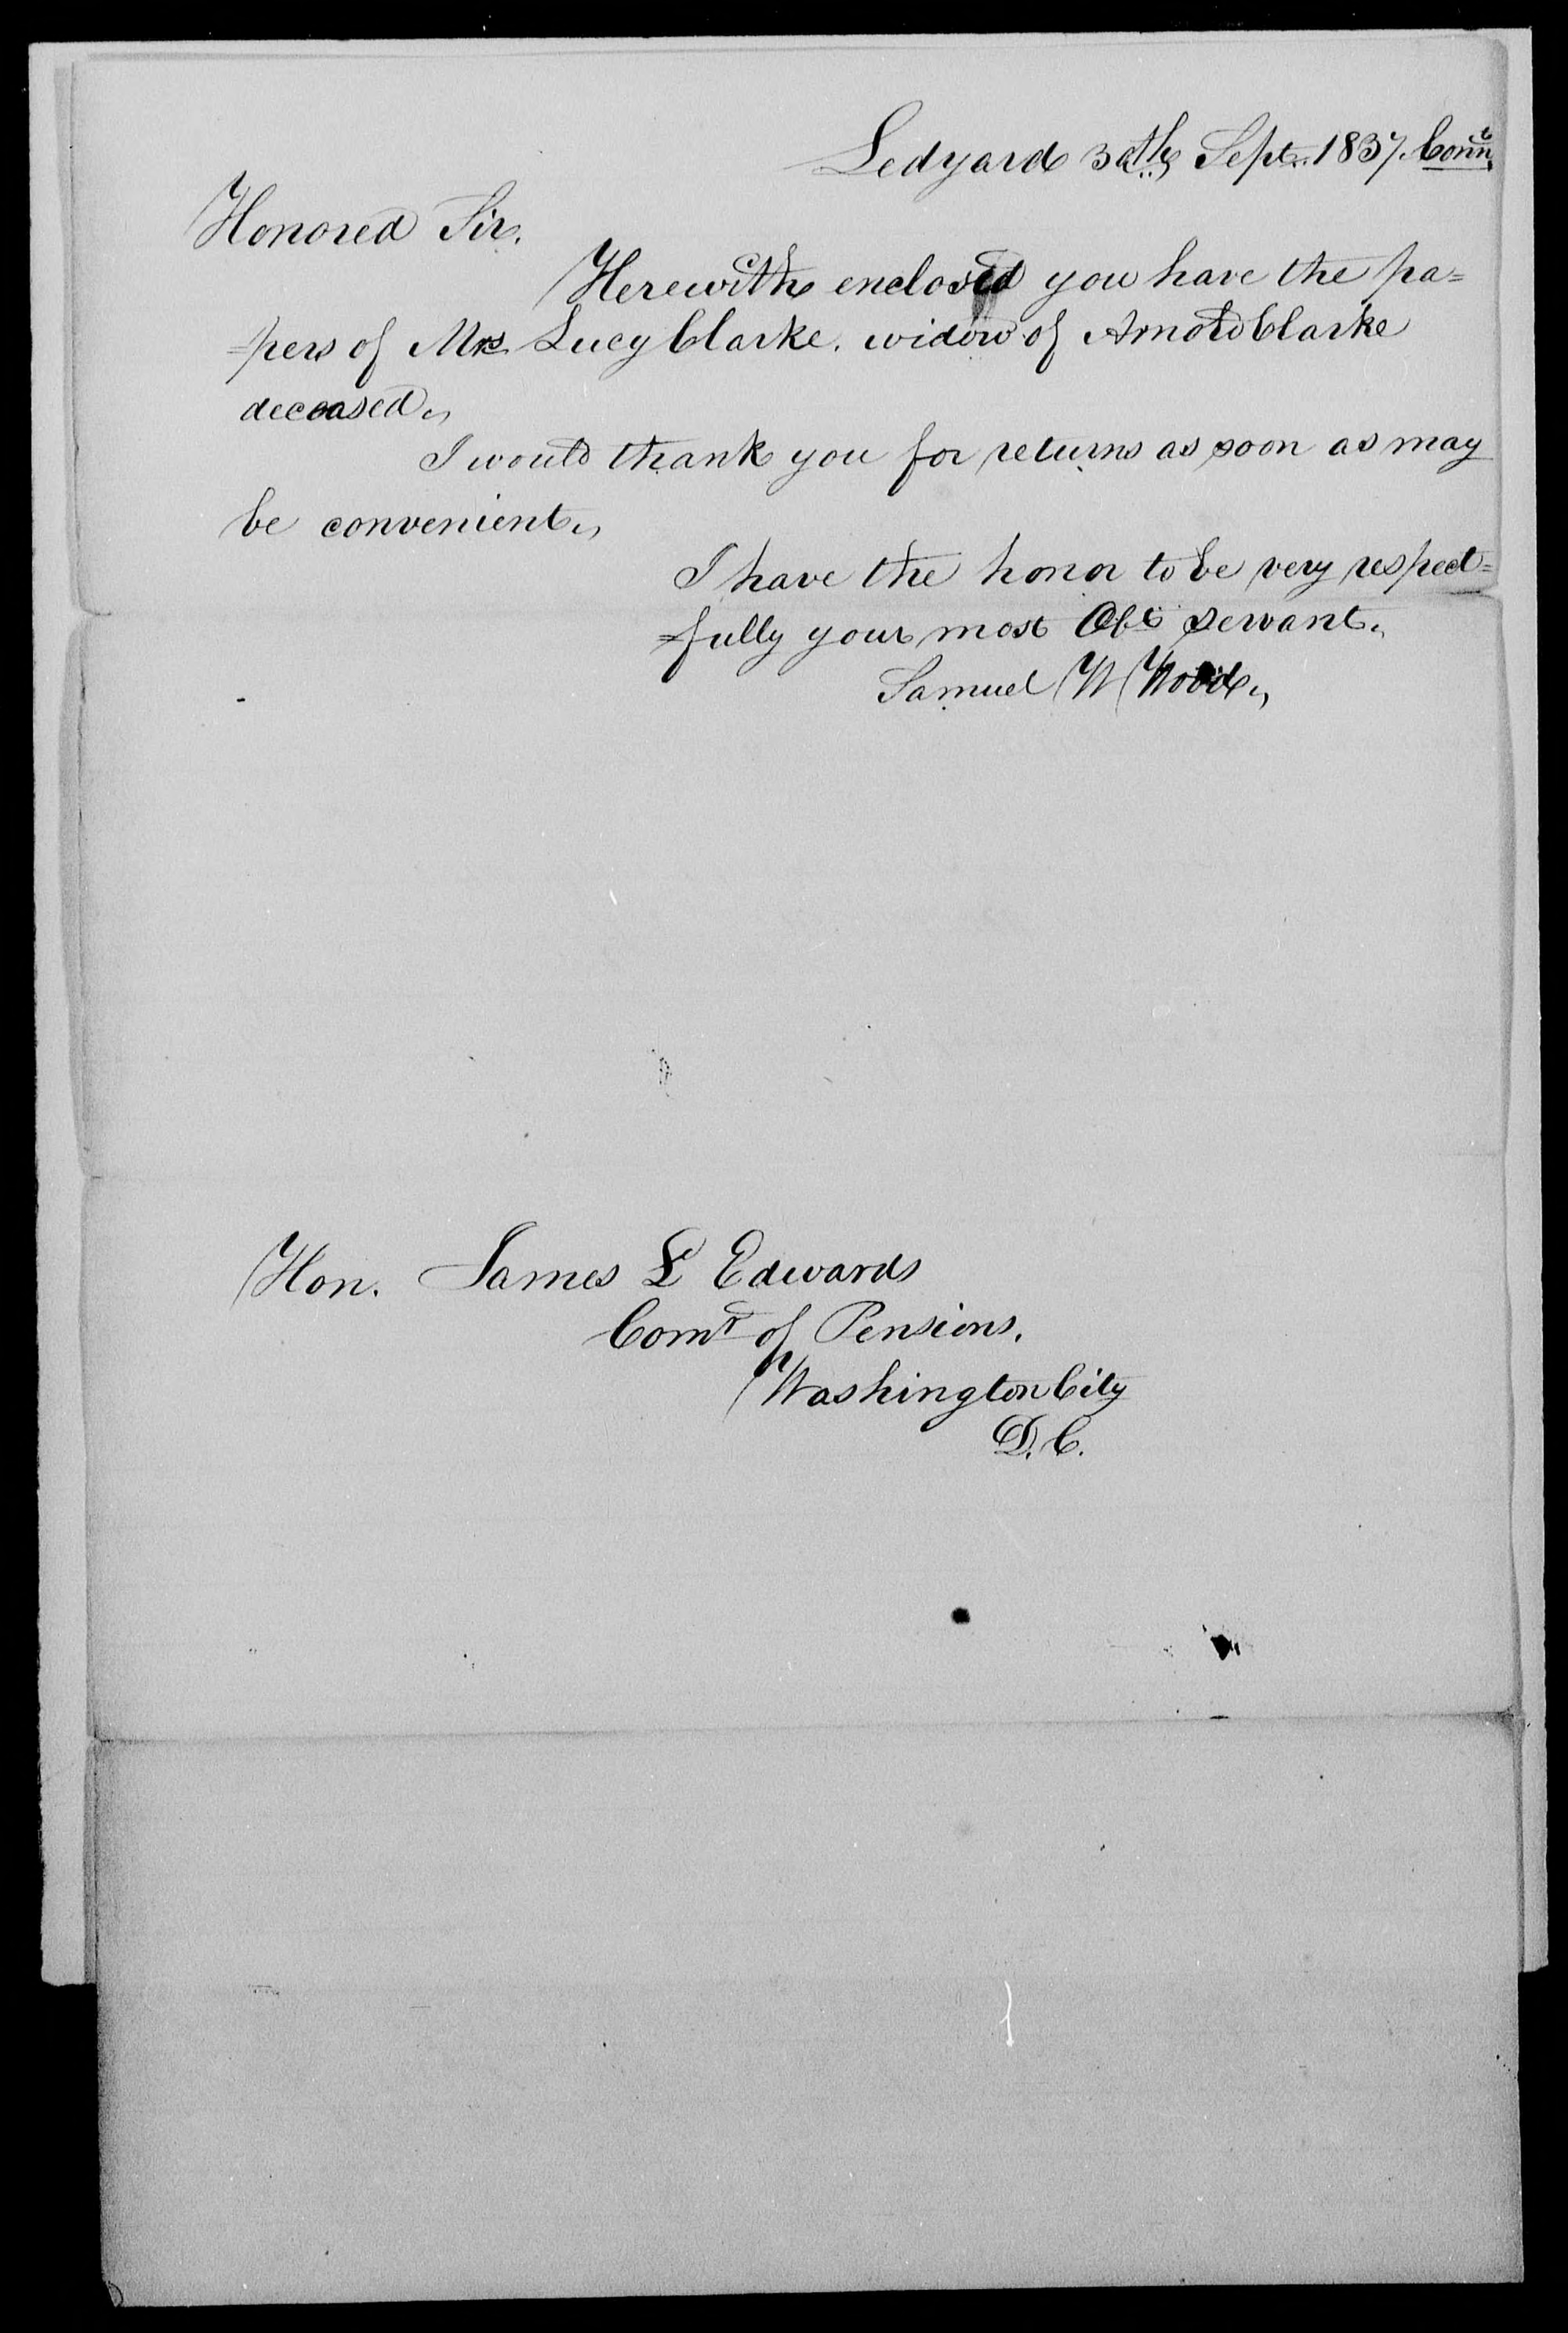Ledyard 30th Sept. 18437 Conn.
Honored Sir,
Herewith enclosed you have the papers of Mrs. Lucy Clarke, widow of Arnold Clarke deceased.
I would thank you for returns as soon as may be convenient.
I have the honor to be very respectfully yours most Obt. servant
Samuel W Wood

Hon. James L. Edwards
Com. of Pensions
Washington City D.C.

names: Arnold Clarke, Lucy Clarke, James L Edwards, Samuel W Wood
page: 21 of 48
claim: widow's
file: W. 17,628, Arnold Clarke, R.I.